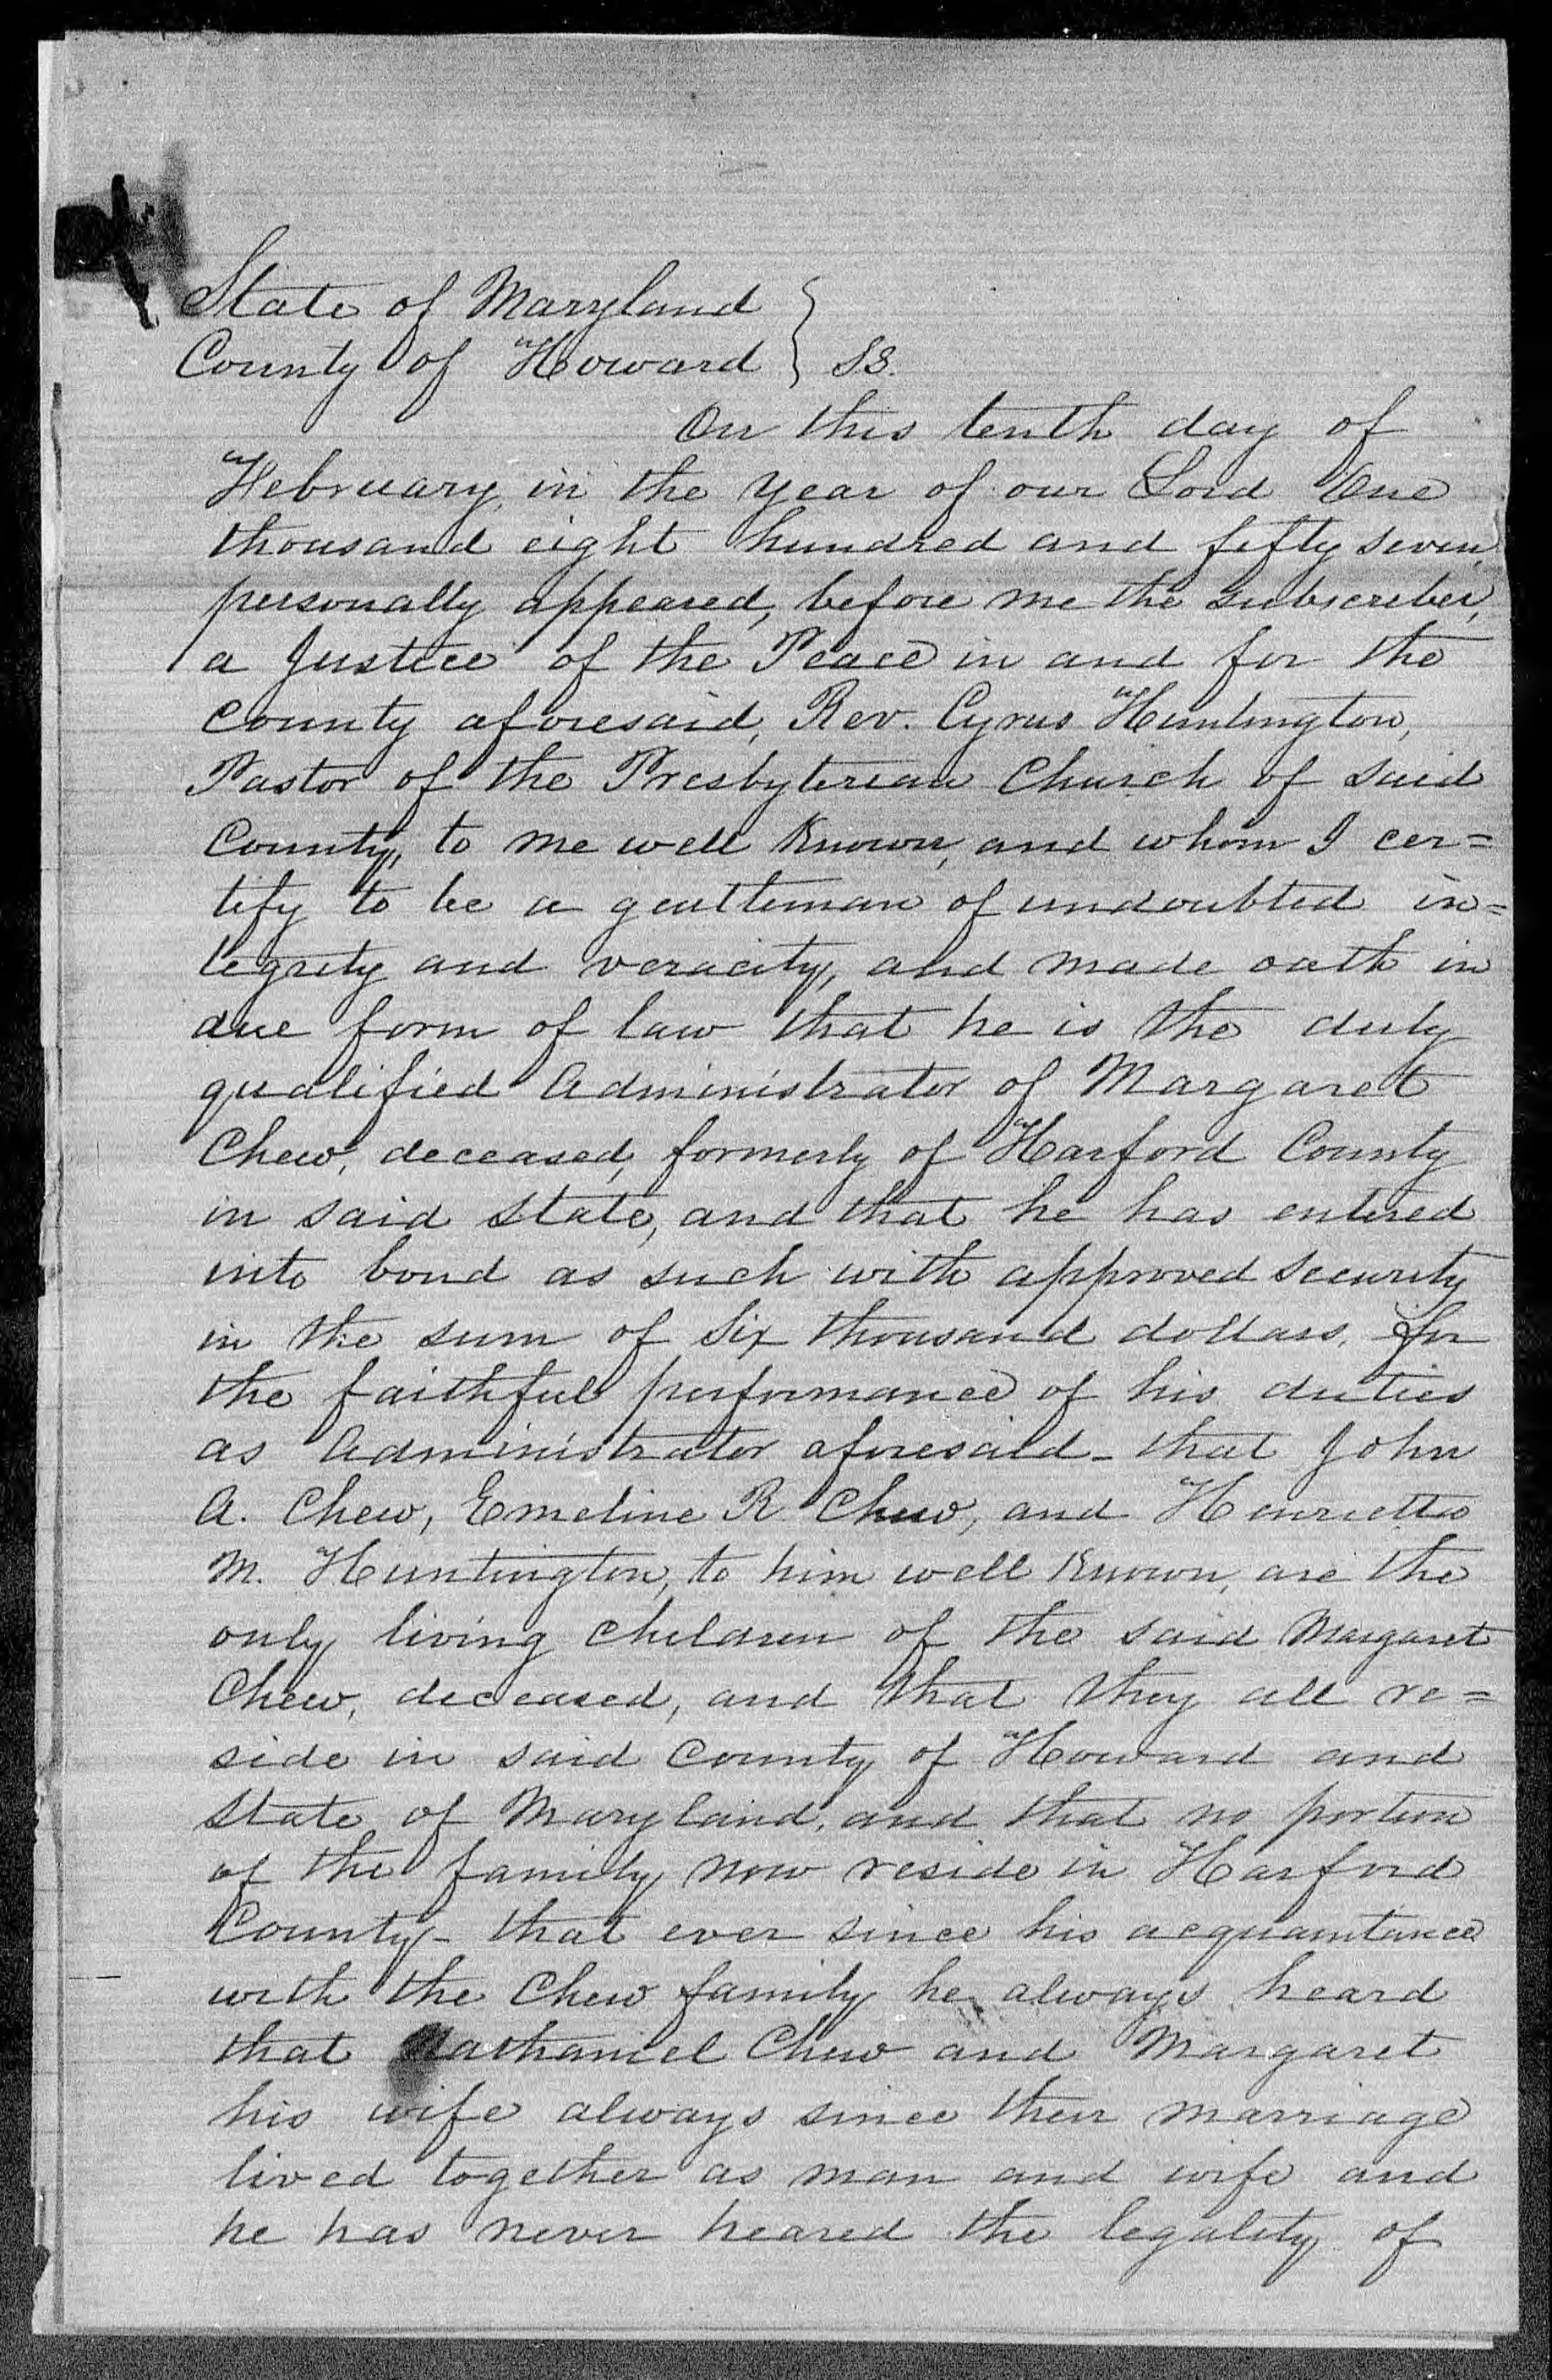State of Maryland}
County of Howard} S S.
ON this tenth day of February in the year of our Lord One thousand eight hundred and fifty seven personally appeared, before me the subscriber, a Justice of the Peace in and for the county aforesaid, Rev. Cyrus Huntington, Pastor of the Presbyterian Church of said County, to me well Known, and whom I certify to be a gentleman of undoubted integrity and veracity, and made oath in due form of law that he is the duly qualified Administrator of Margaret Chew, deceased, formerly of Harford County in said state, and that he has entered into bond as such with approved security in the sum of Six thousand dollars, for the faithful performance of his duties as administrator aforesaid - that John A. Chew, Emeline R. Chew, and Henrietta M. Huntington, to him well Known, are the only living children of the said Margaret Chew, deceased, and that they all reside in said county of Howard and State of Maryland, and that no portion of the family now reside in Harford County - that ever since his acquaintance with the Chew family he always heard that Nathaniel Chew and Margaret his wife always since their marriage lived together as man and wife and he has never heared the legality of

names: Margaret Chew, Emeline R Chew, John A Chew, Henrietta M Huntington, Margaret Chew, Cyrus Huntington, Nathaniel Chew, Margaret, Chew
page: 19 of 59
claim: widow's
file: W. 9383, Nathaniel Chew, Navy (Md.)